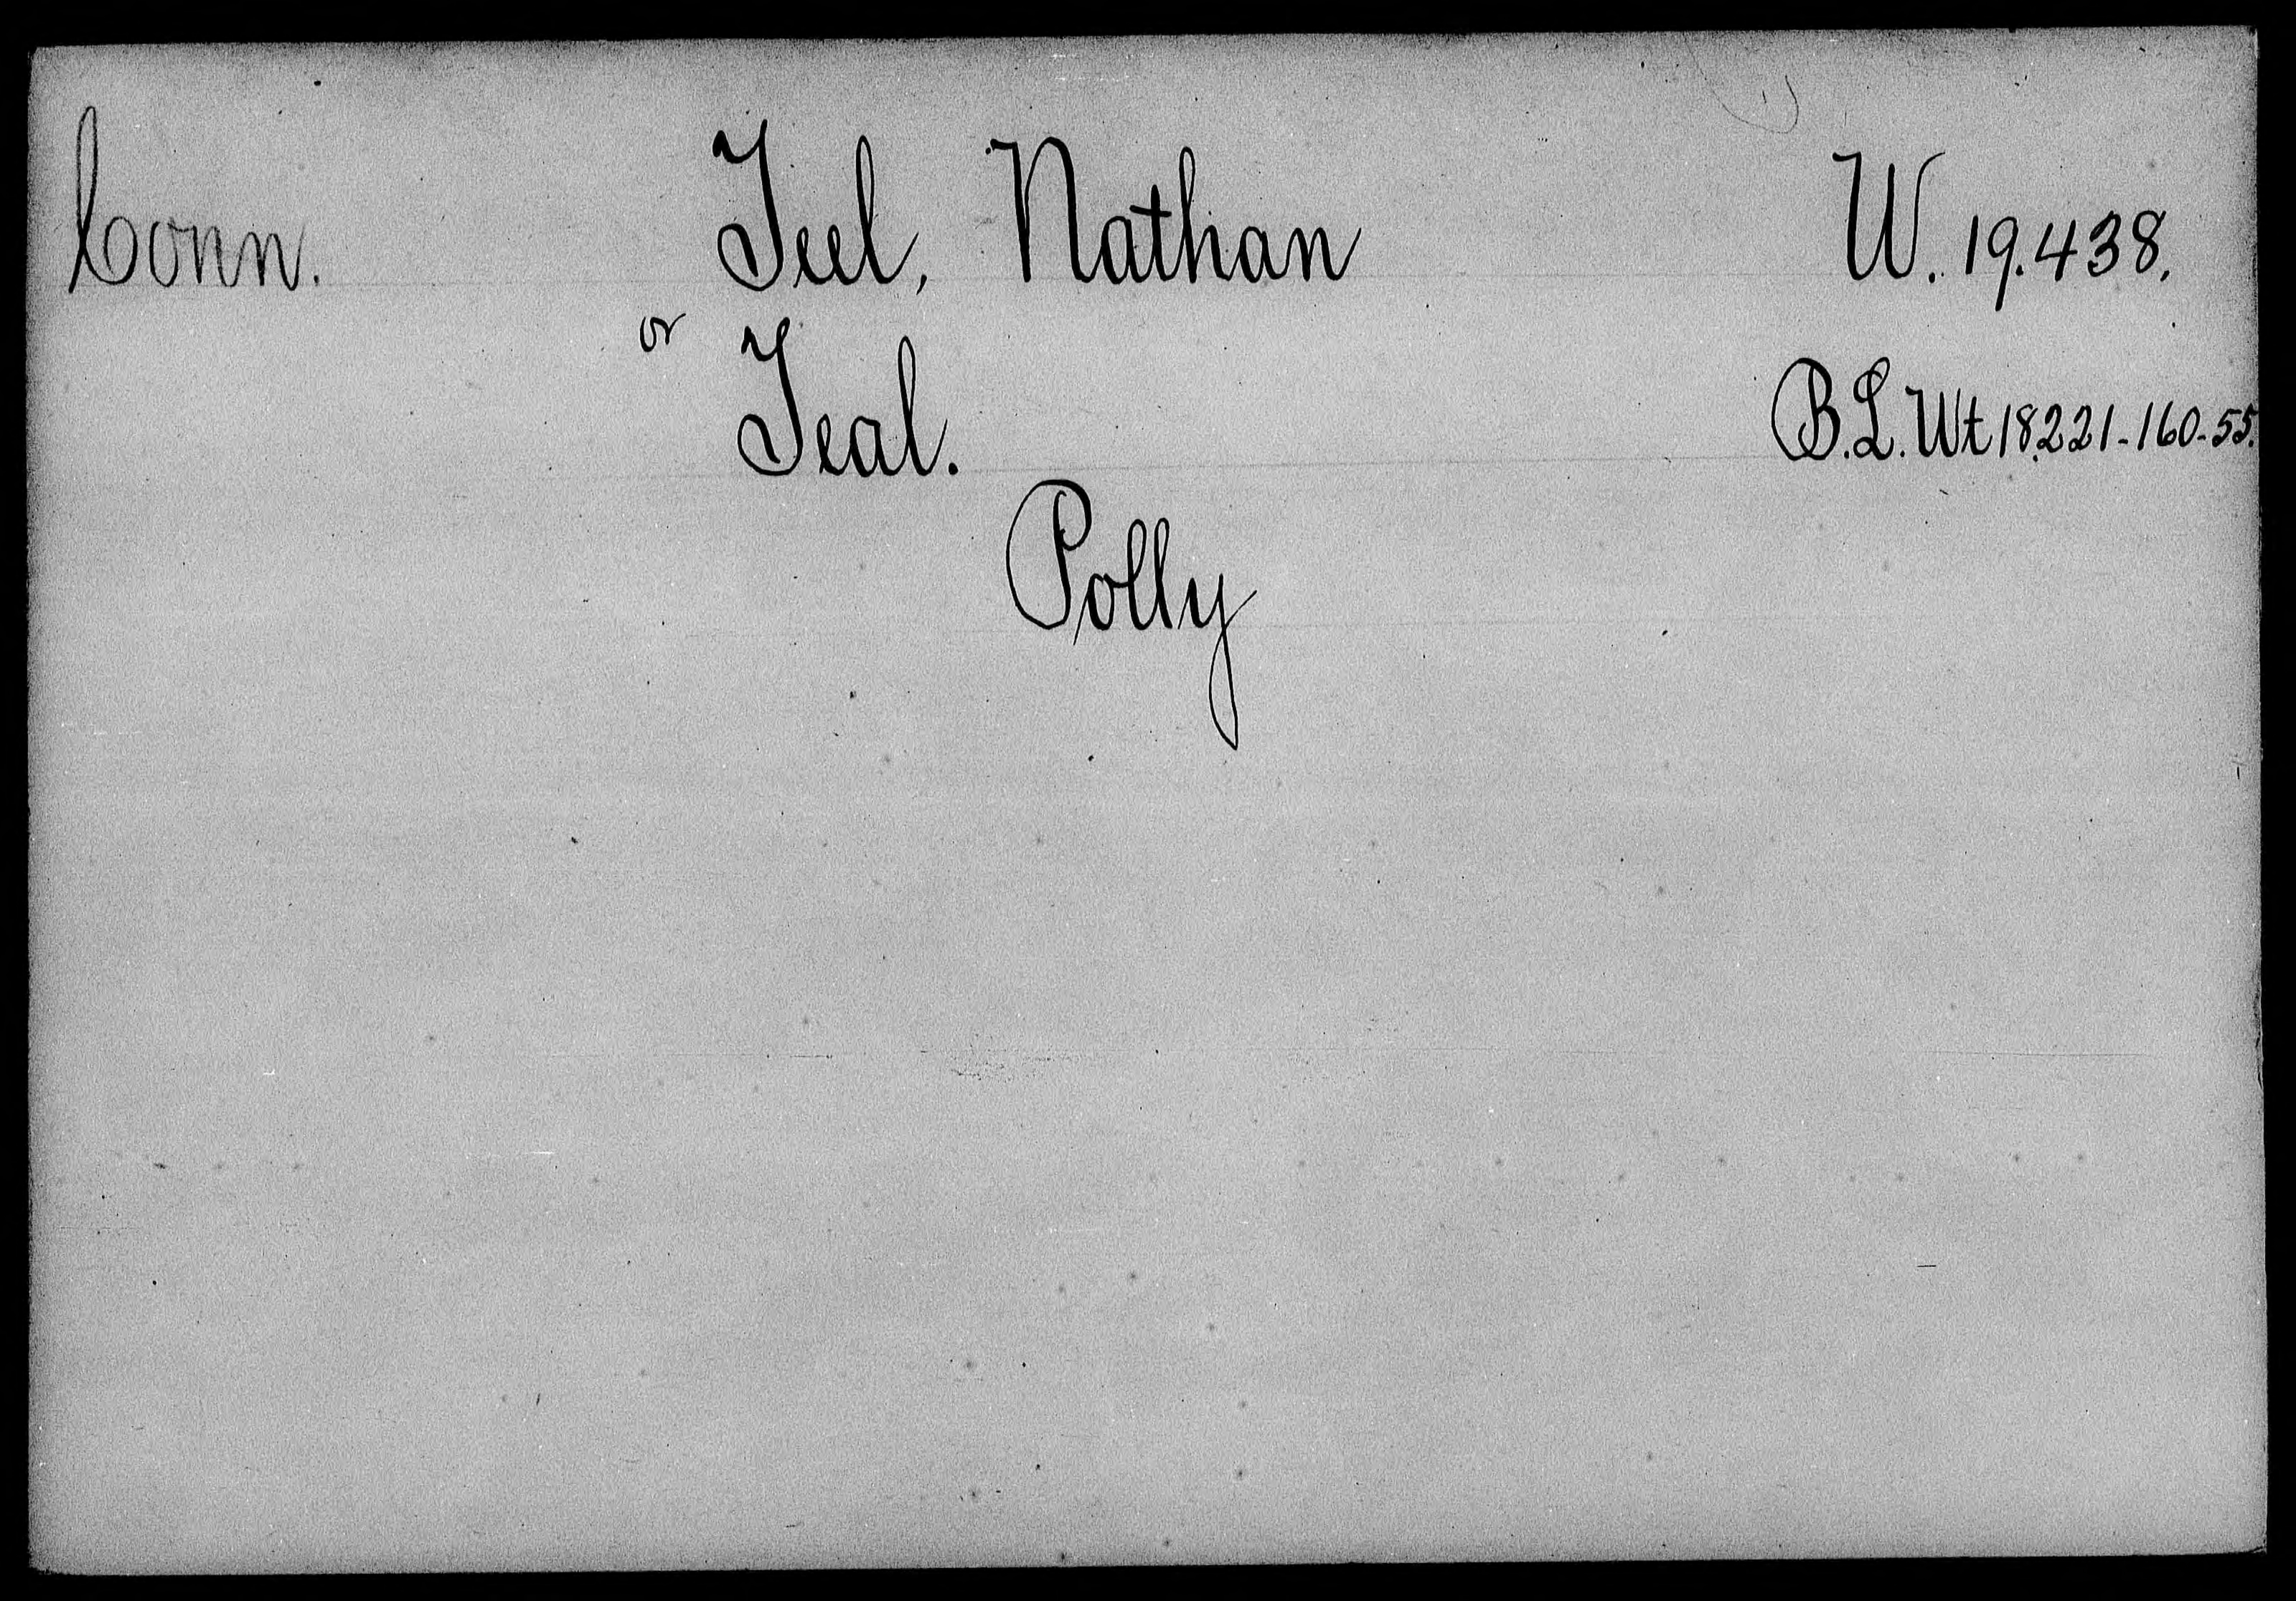Conn.
Teel, Nathan  W.19.438
or Teal.  
B.L. Wt18221.160..55.
Polly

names: Nathan Teal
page: 1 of 1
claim: widow's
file: W. 19,438, for Nathan Teel, Connecticut